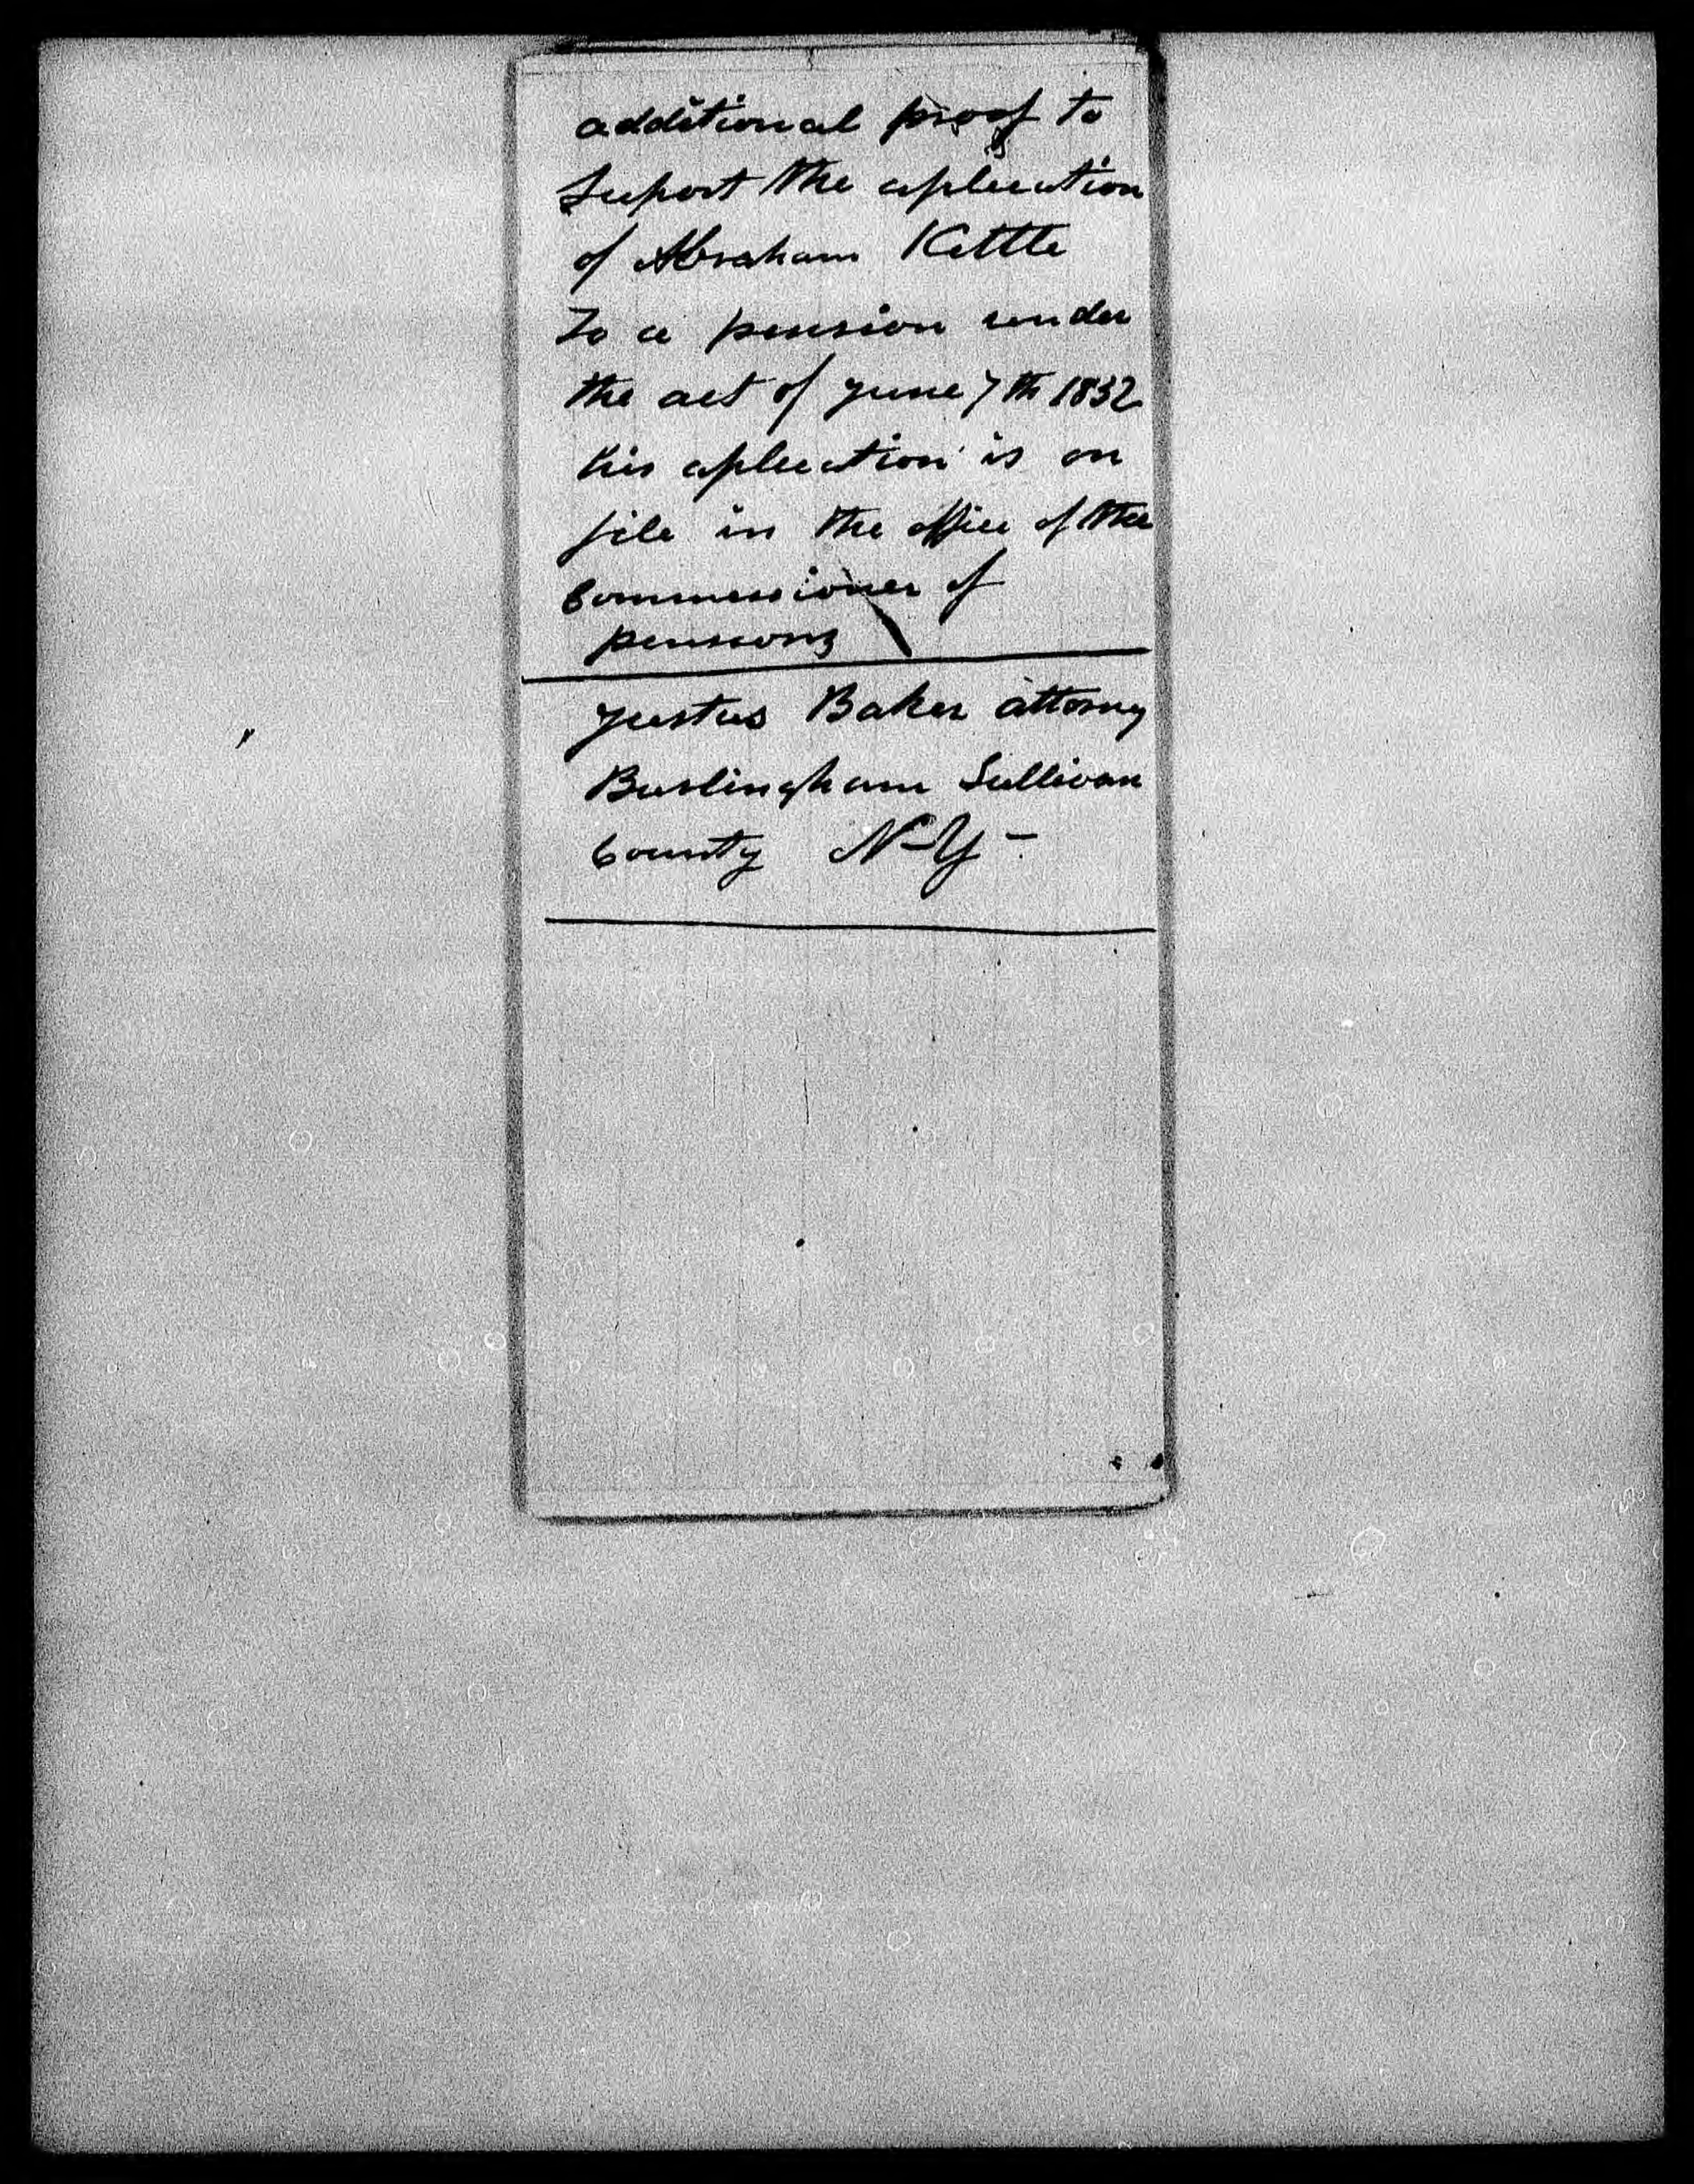additional proof to support the aplication of Abraham Kittle to a pension under the act of June 7th 1832 
his application is on file in the office of the Commissioner of pensions 
Justus Baker attorney 
Burlingham Sullivan County NY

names: Abraham Kettle; Justus Baker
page: 14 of 18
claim: rejected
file: R. 6002, for Abraham Kittle, New York